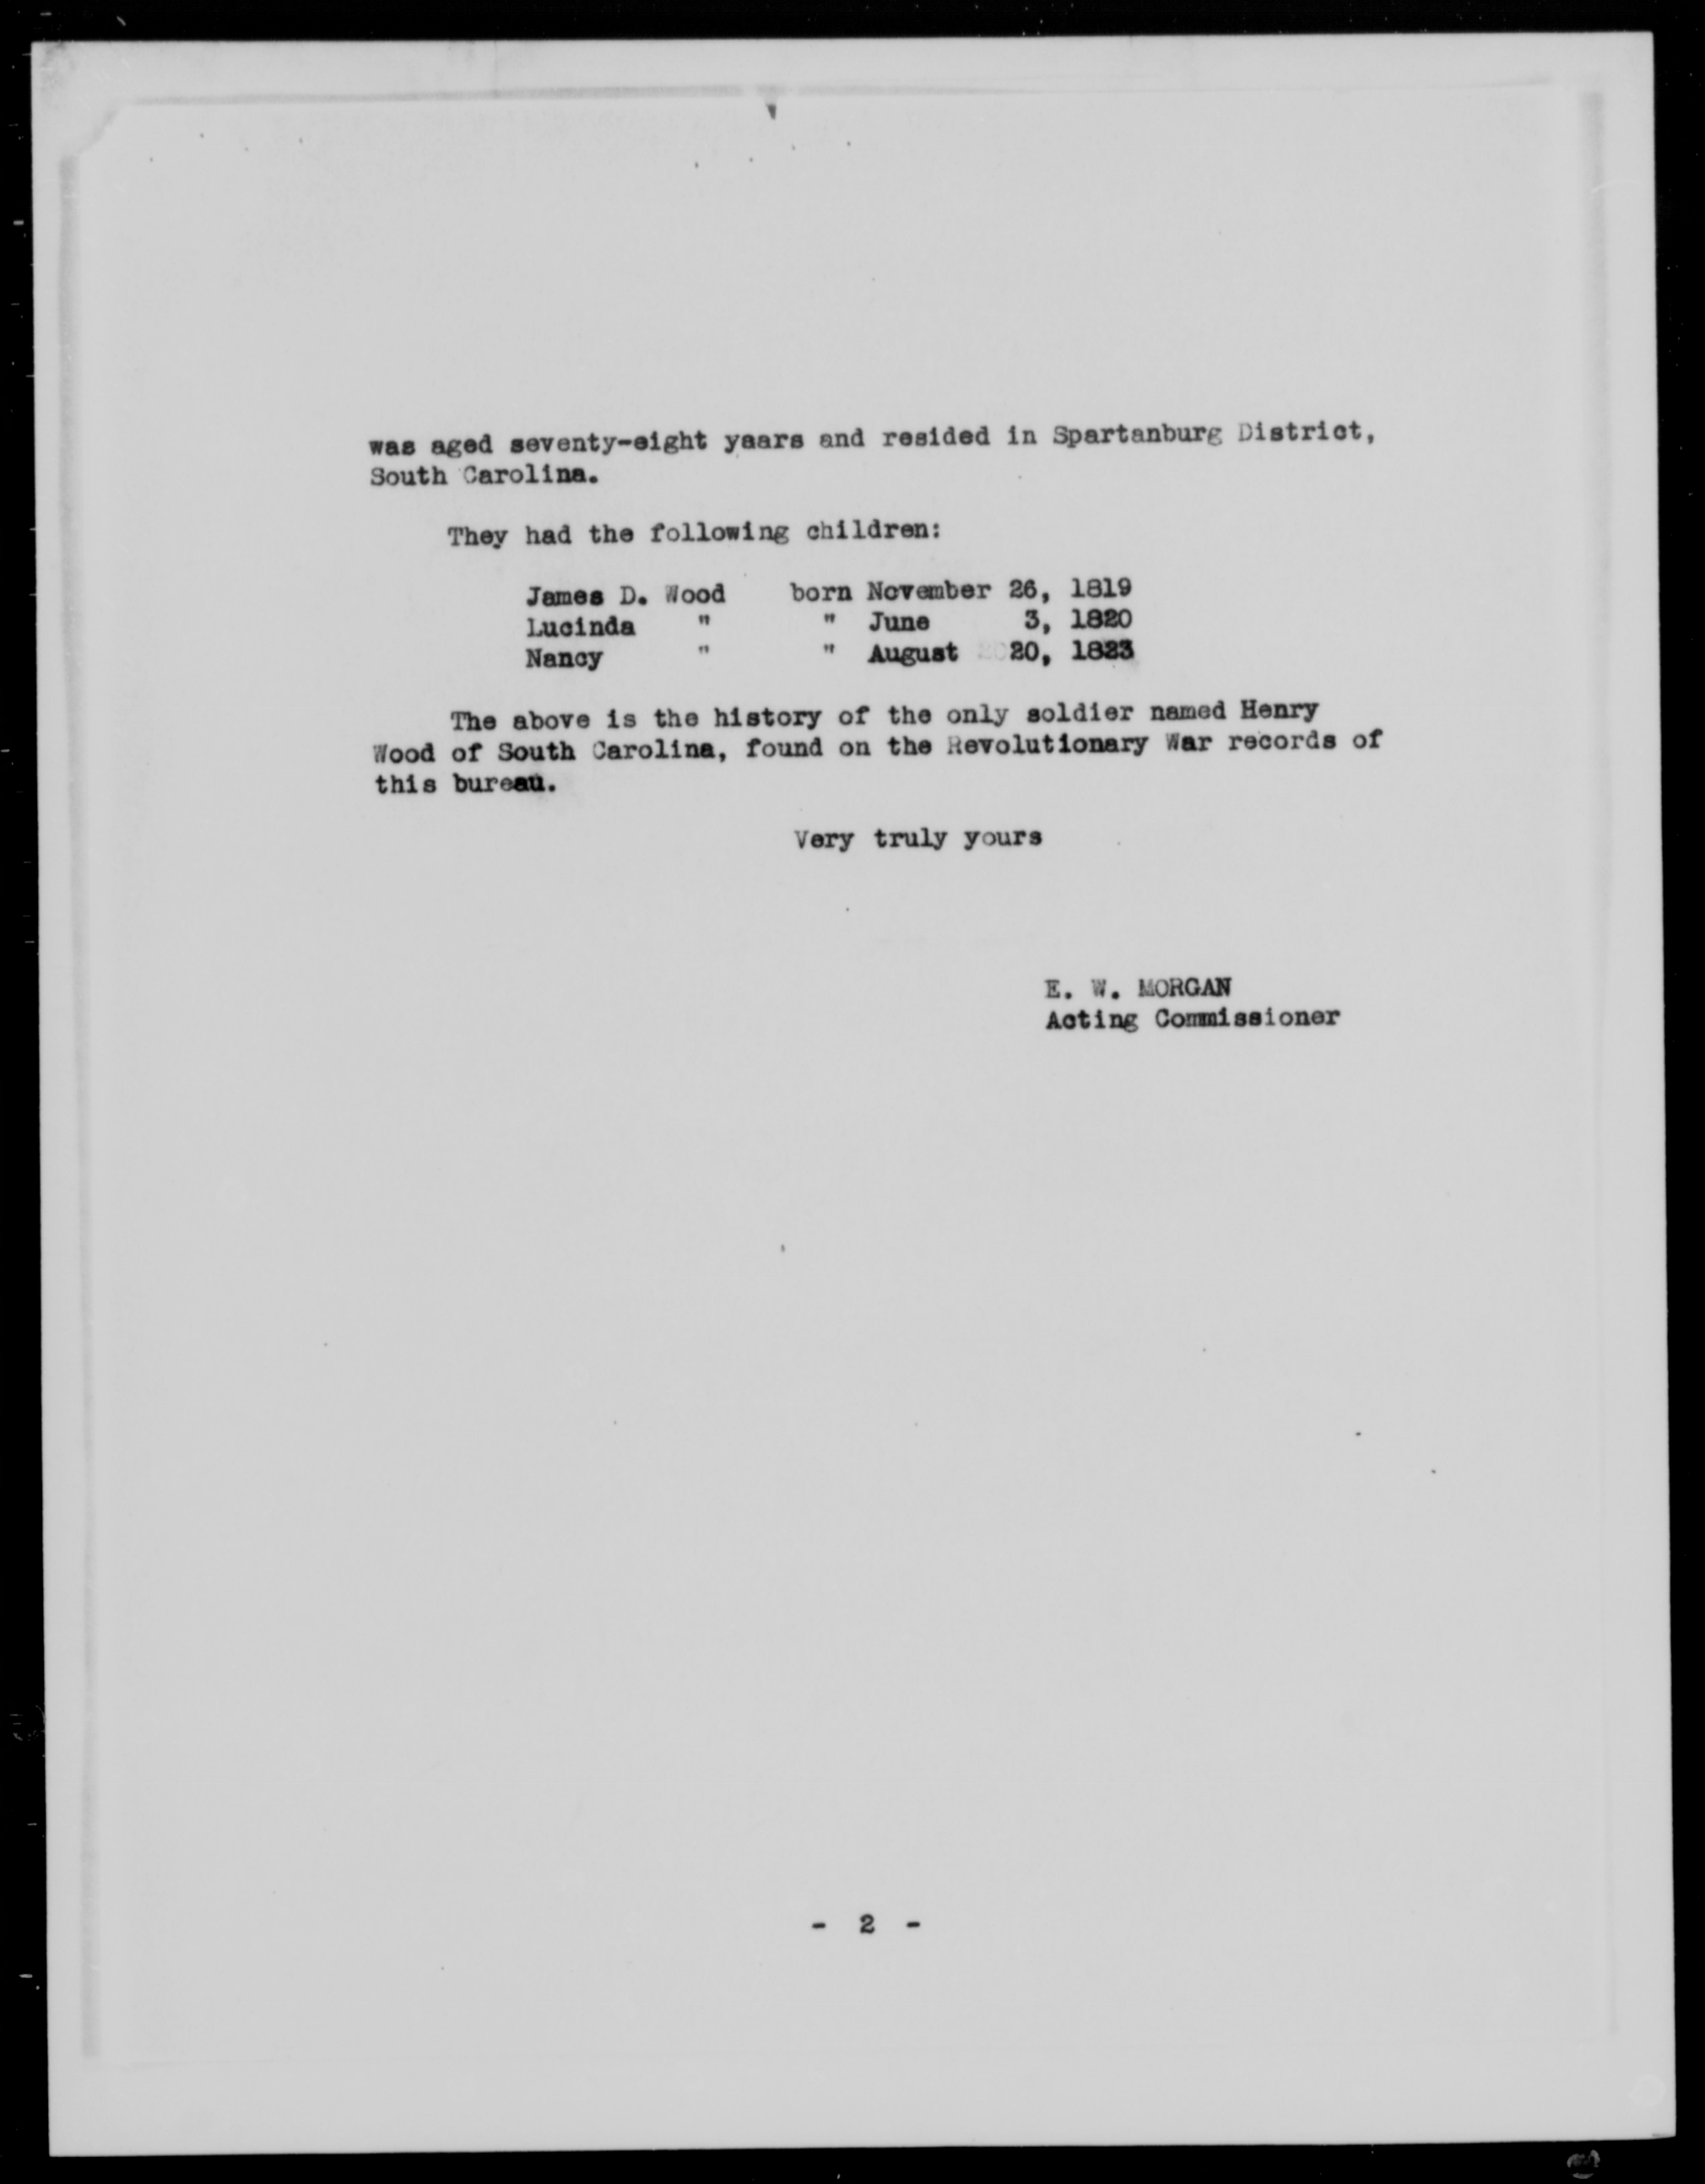was aged seventy-eight years and resided in Spartanburg District, South Carolina.
They had the following children:

James D. Wood born November 26, 1819
Lucinda Wood born June 3, 1820
Nancy Wood born August 20, 1833

The above is the history of the only soldier named Henry
Wood of South Carolina, found on the Revolutionary War records of
this bureau.
Very truly yours
---
E. W. MORGAN
Acting Commissioner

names: Lucinda Wood, James D Wood, E W Morgan, Nancy Wood, Henry Wood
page: 15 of 40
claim: rejected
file: R. 11785, Henry Wood, N. C.